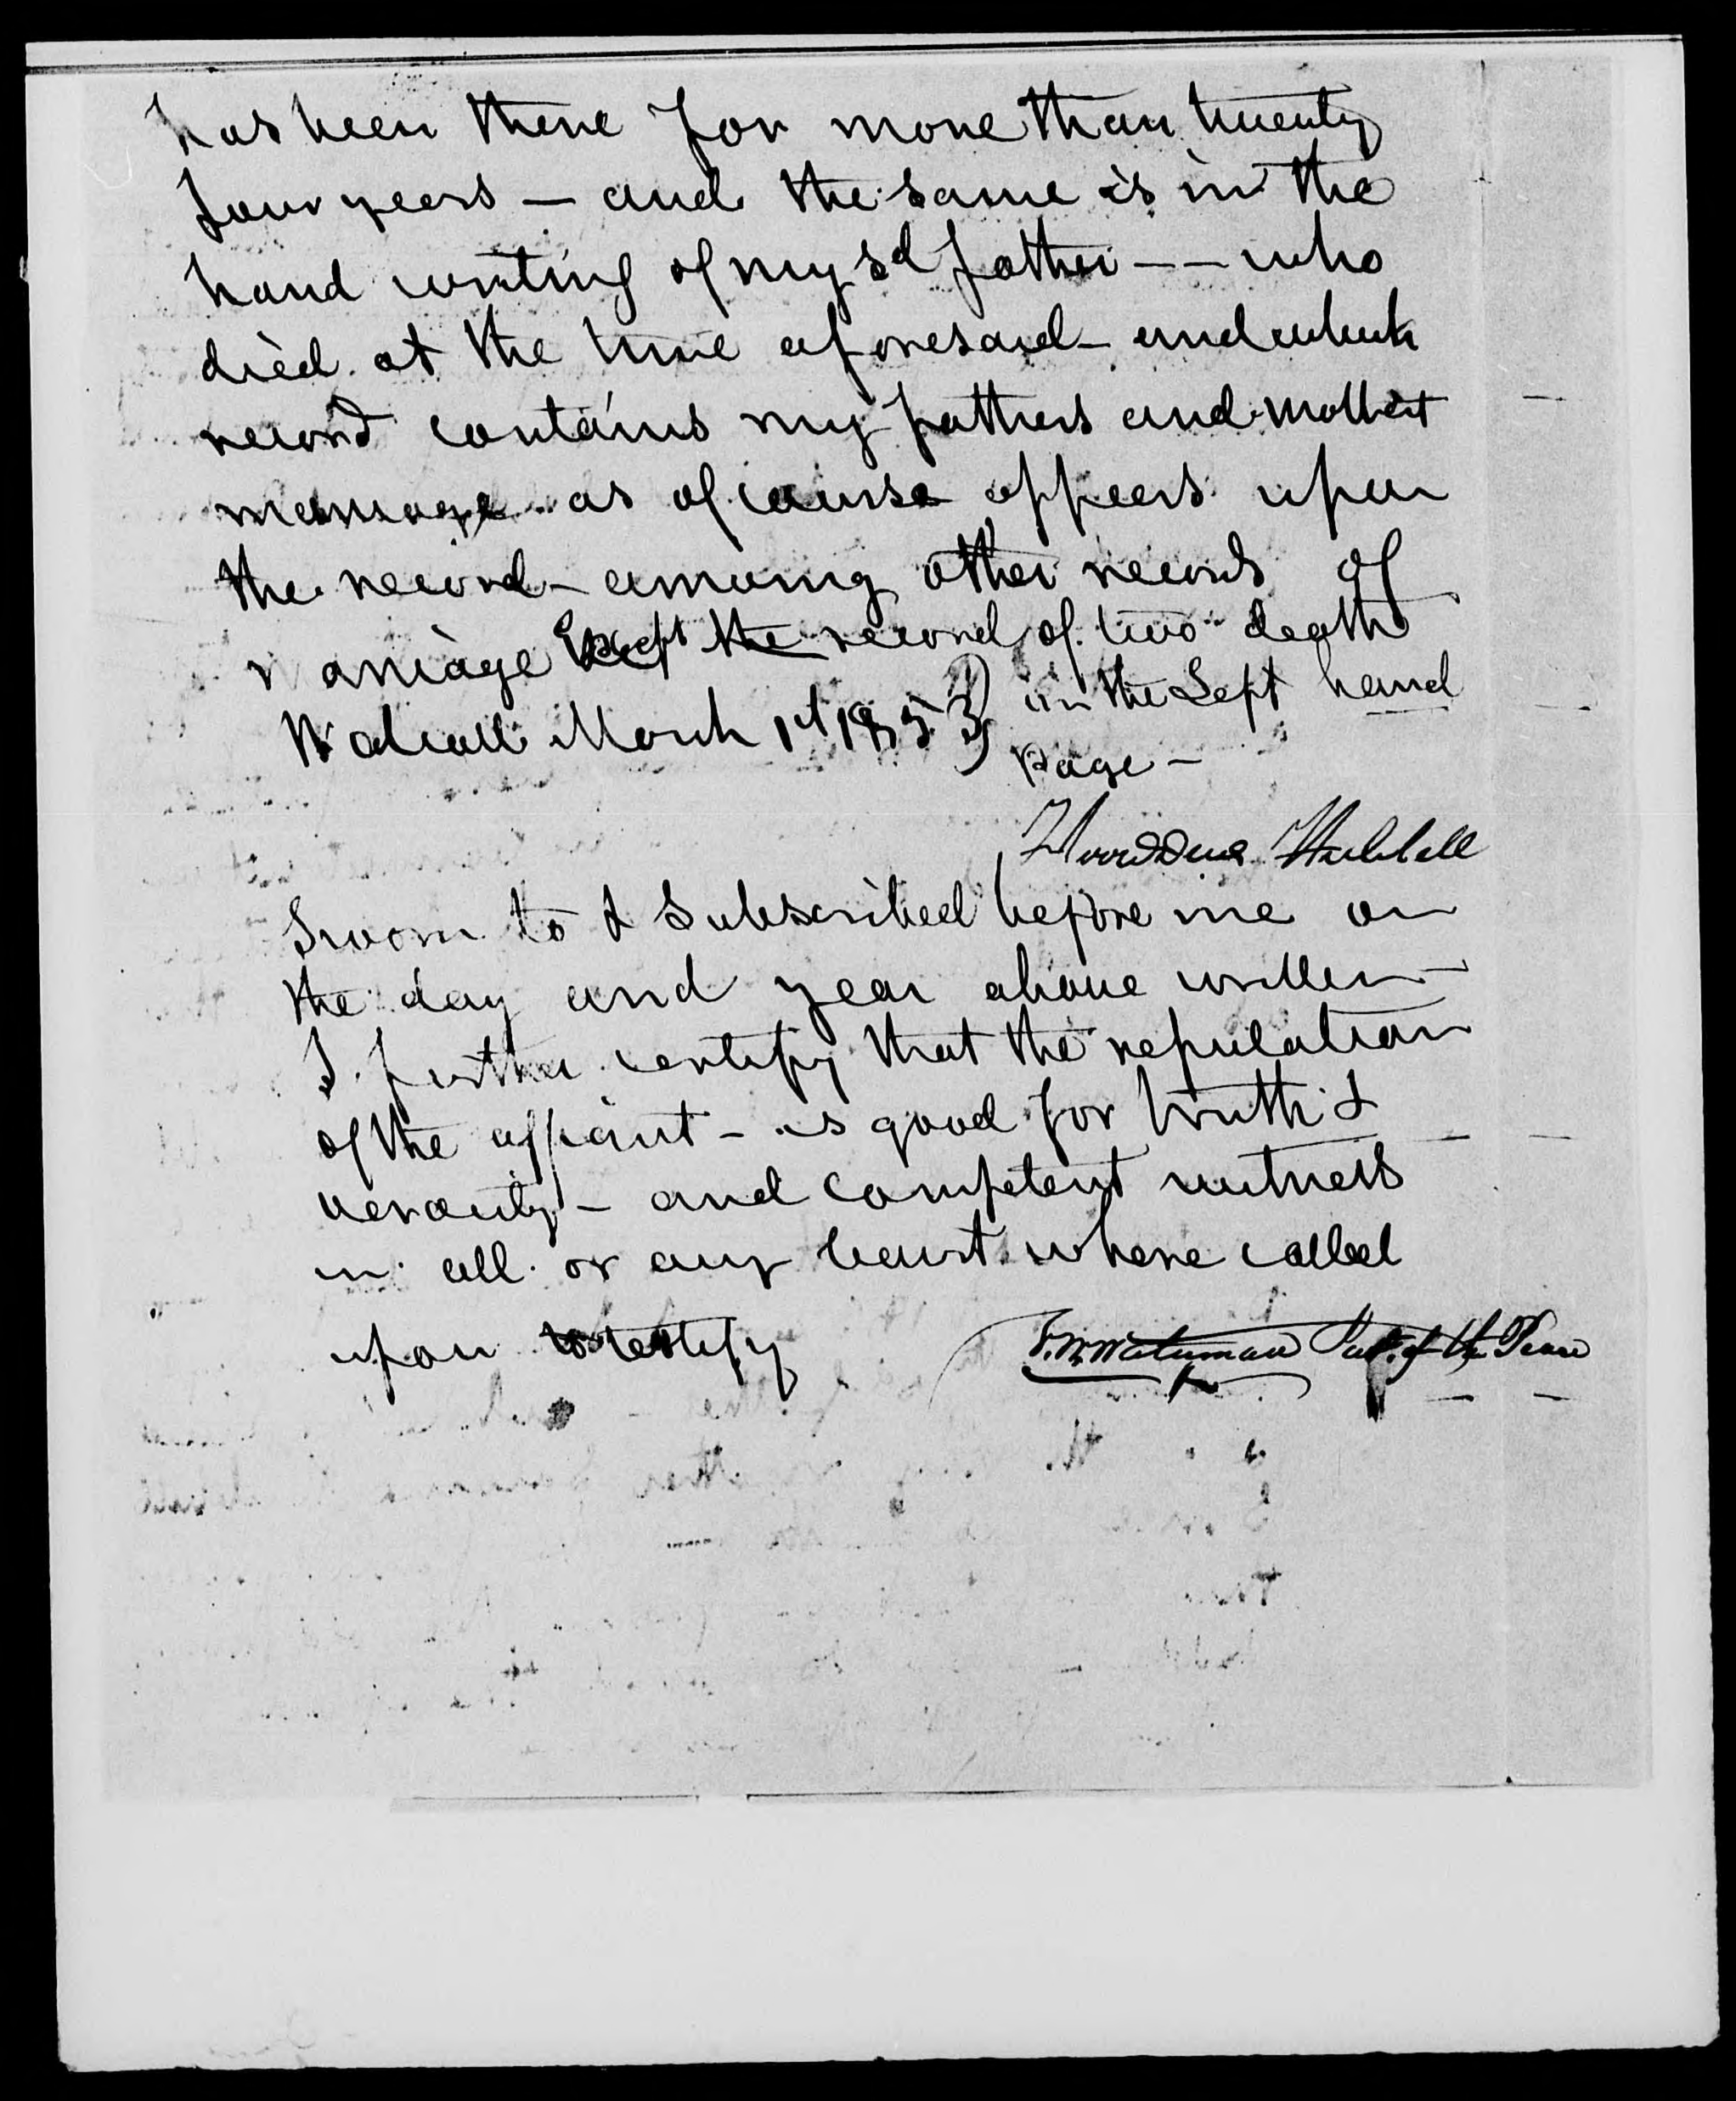further there for more than twenty four yeers [sic] - and the same is in the hand writing of my sd father - - who died at the time aforesaid - and which record contains my fathers and mothers marriage as of course appeers [sic] upon the record among other records of marriage except the record of two death in the left hand page
Walcott March 14 1853
Thaddeus Hubbell
Sworn to & subscribed before me on the day and year above written - I further certify that the reputation of the affiant is good for truth & veracity - and competent witness in all or any Court where called upon to testify
V.M. Waterman Just. of the Peace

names: Thaddeus Hubbell, V W Waterman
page: 27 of 114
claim: widow's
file: W. 2115, Seth Hubbell, Conn.